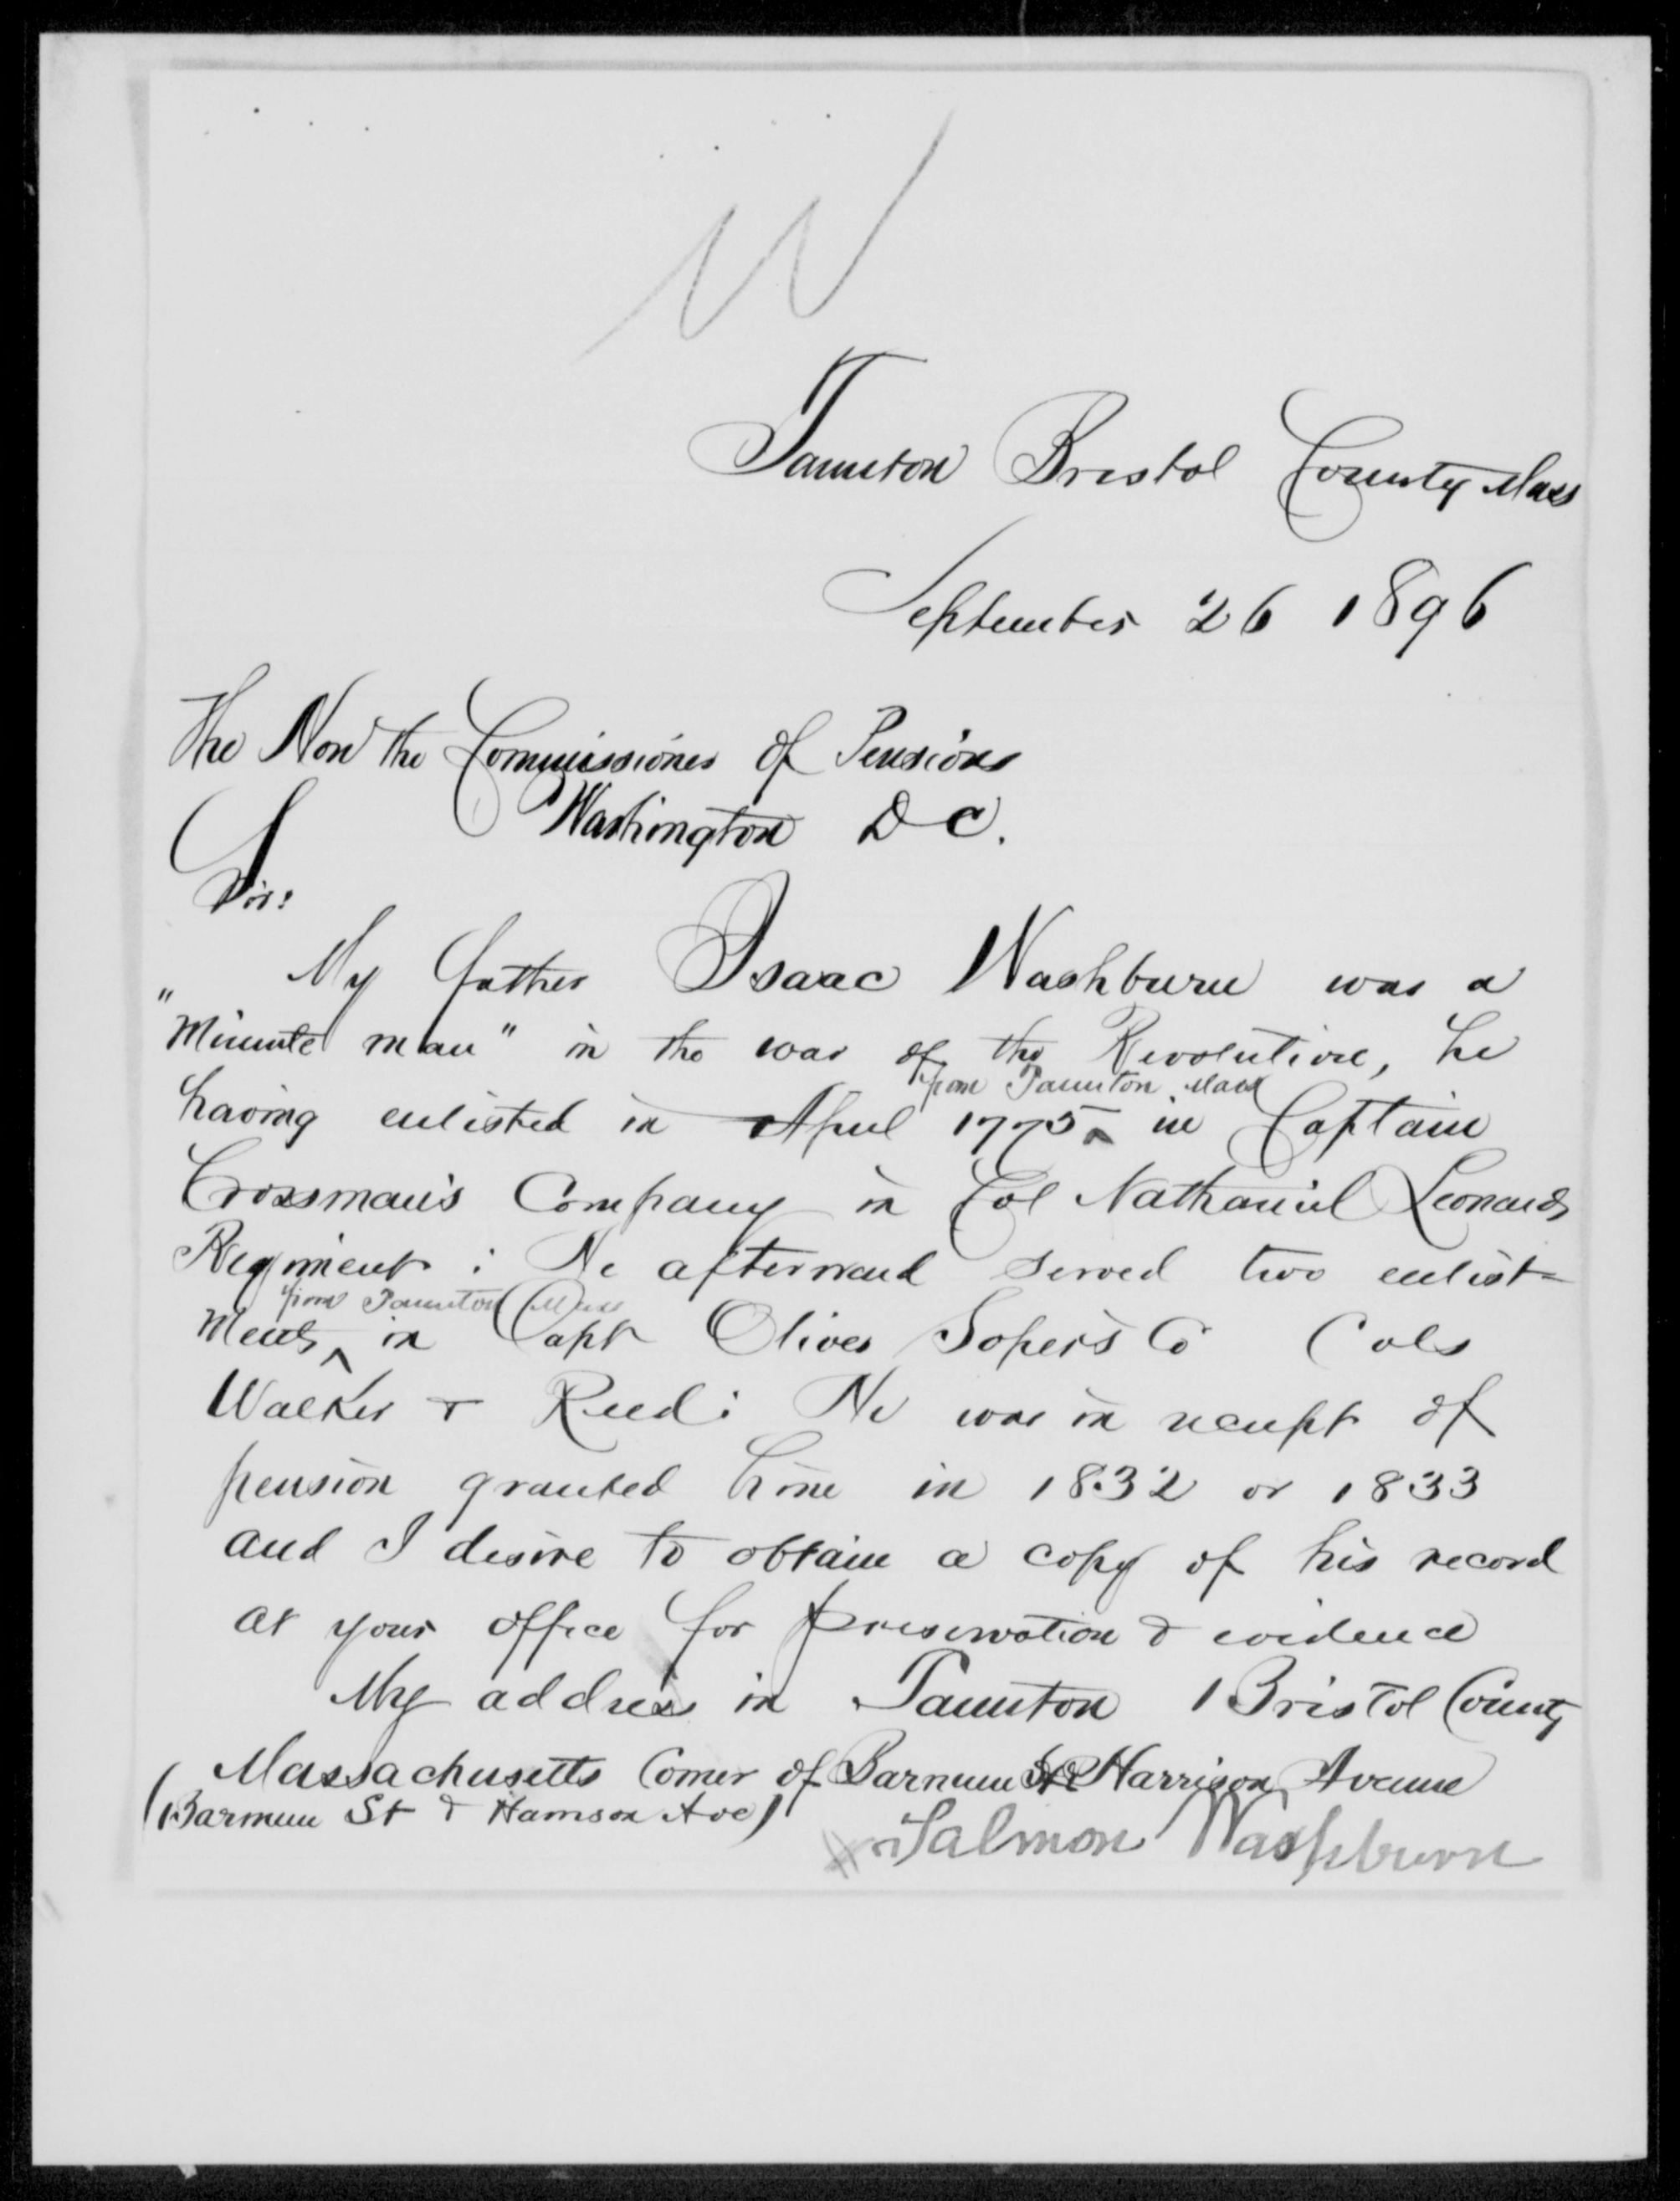Taunton Bristol County Mass

September 26 1896

  The Hon the Commissioner of Pensions
        Washington D C.

Sir:

  My father Isaac Washburn was a “Minute man” in the war of the Revolution, he having enlisted in April 1775 from Taunton Mass in Captain Crossman’s Company in Col Nathaniel Leonards Regiment: He afterward served two enlistments from Taunton Mass in Capt Oliver Sopers Co Cols Walker & Reed: He was in receipt of pension granted him in 1832 or 1833 and I desire to obtain a copy of his record at your office for preservation & evidence
  My address in Taunton 1 Bristol County
     Massachusetts Corner of Barnum St & Harrison Avenue
(Barnum St & Harrison Ave.) 
                   Salmon Washburn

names: Cols, Isaac Washburn, Salmon Washburn, Walker, Reed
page: 25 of 34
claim: widow's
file: W. 1677, Isaac Washburn, Mass.